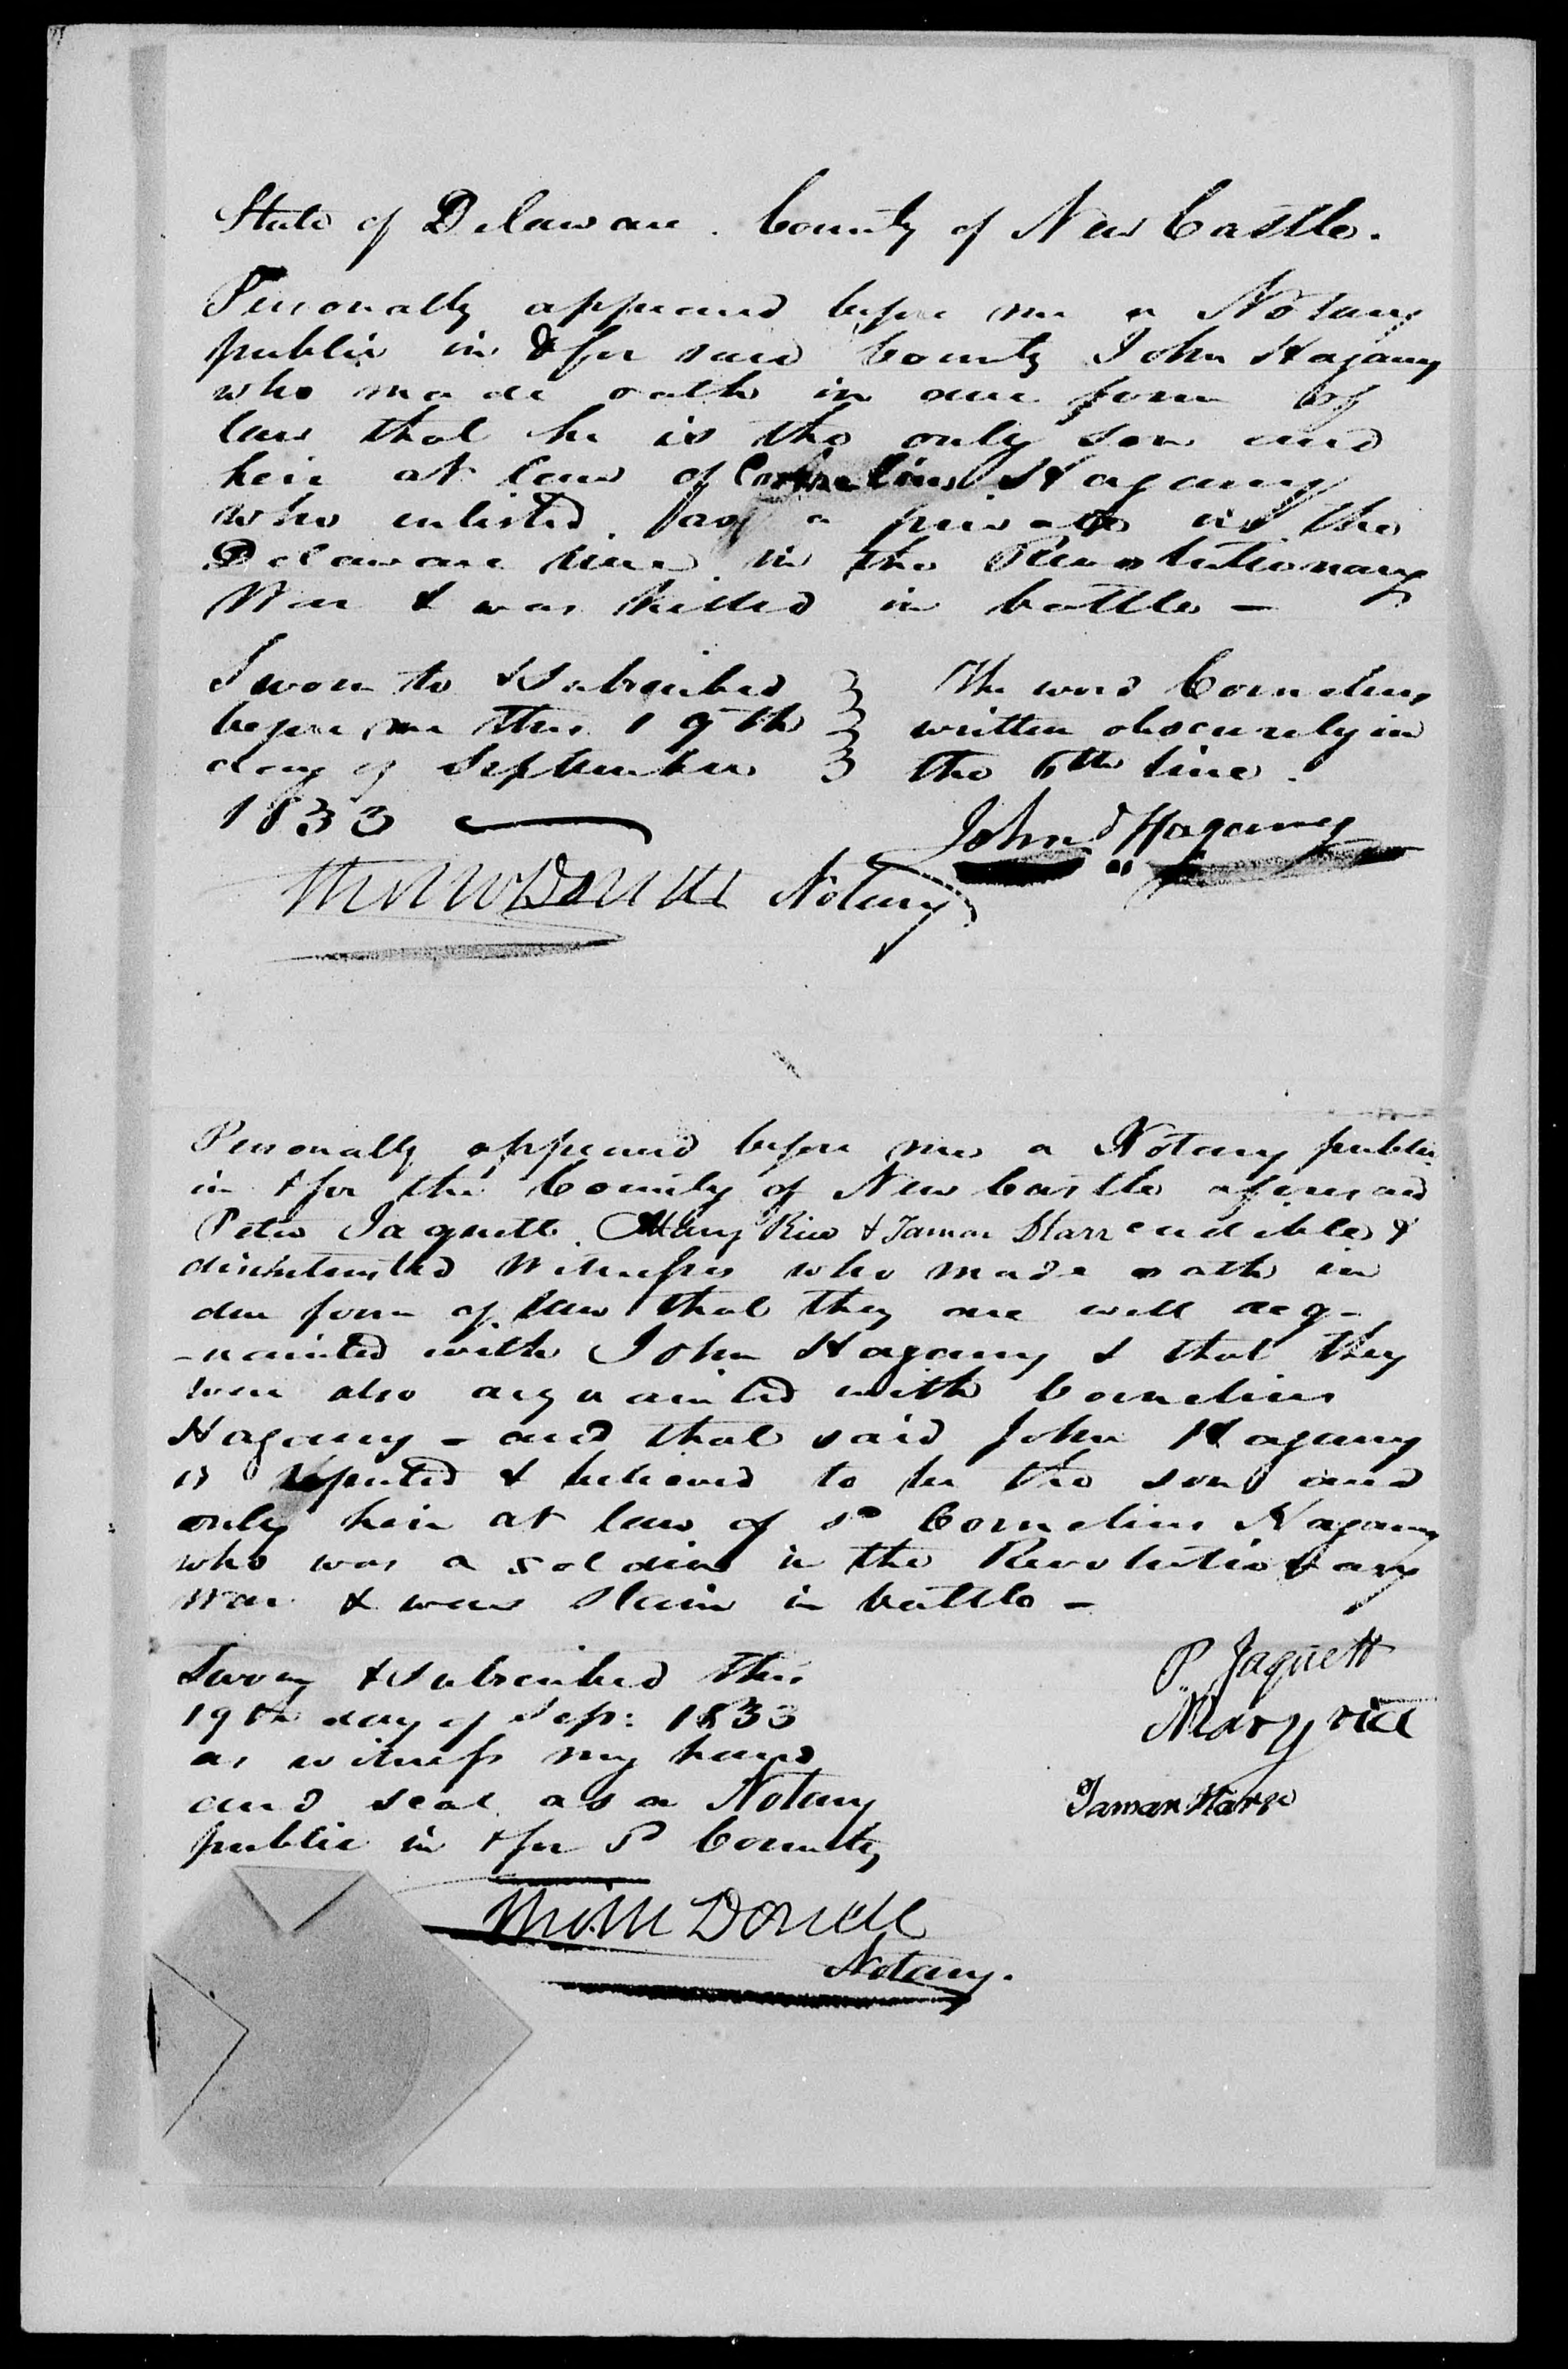State of Delaware. County of New Castle.

Personally appeared before me a Notary Public in & for said County John Hagany who made oath in due form of law that he is the only Son and heir at law of Cornelius Hagany who enlisted as a private in the Delaware line in the Revolutionary War & was killed in battle – 

Sworn to & Subscribed 		The word Cornelius 
before me this 19th 			written obscurely in 
day of September			the 6th line.
1833 ----				John Hagany

Thom McDonell Notary 

Personally appeared before me a Notary Public in & for the County of New Castle the aforesaid Peter Jaquett Mary Rice & Taman Harse credible & [illegible] the Witnesses who made an oath in due form of law that they are well acquainted with John Hagany & that they were also acquainted with Cornelius Hagany – and that said John Hagany is respected and believed to be the son and only heir at law of sd Cornelius Hagany who was a soldier in the Revolutionary War & was slain in battle
P Jaquett
Mary Rice
Taman Harse

Sworn & subscribed this
19th day of Sep: 1833
as witness my hand 
and seal as a Notary
Public in & for sd County

Thom. McDonell
Notary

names: Cornelius Hagany, John Hagany, John Hagany, Tho Mc Donell, Cornelius Hagany, Tamar Starge, Mary Rice, Cornelius Hagany, John Hagany, Tamar Starr, Tho Mc Donell, Peter Jaquett, Mary Rice, P Jaquett, John Hagany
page: 6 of 6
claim: bounty land warrant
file: B. L. Wt. 1971-100, Cornelius Hagany, Del.